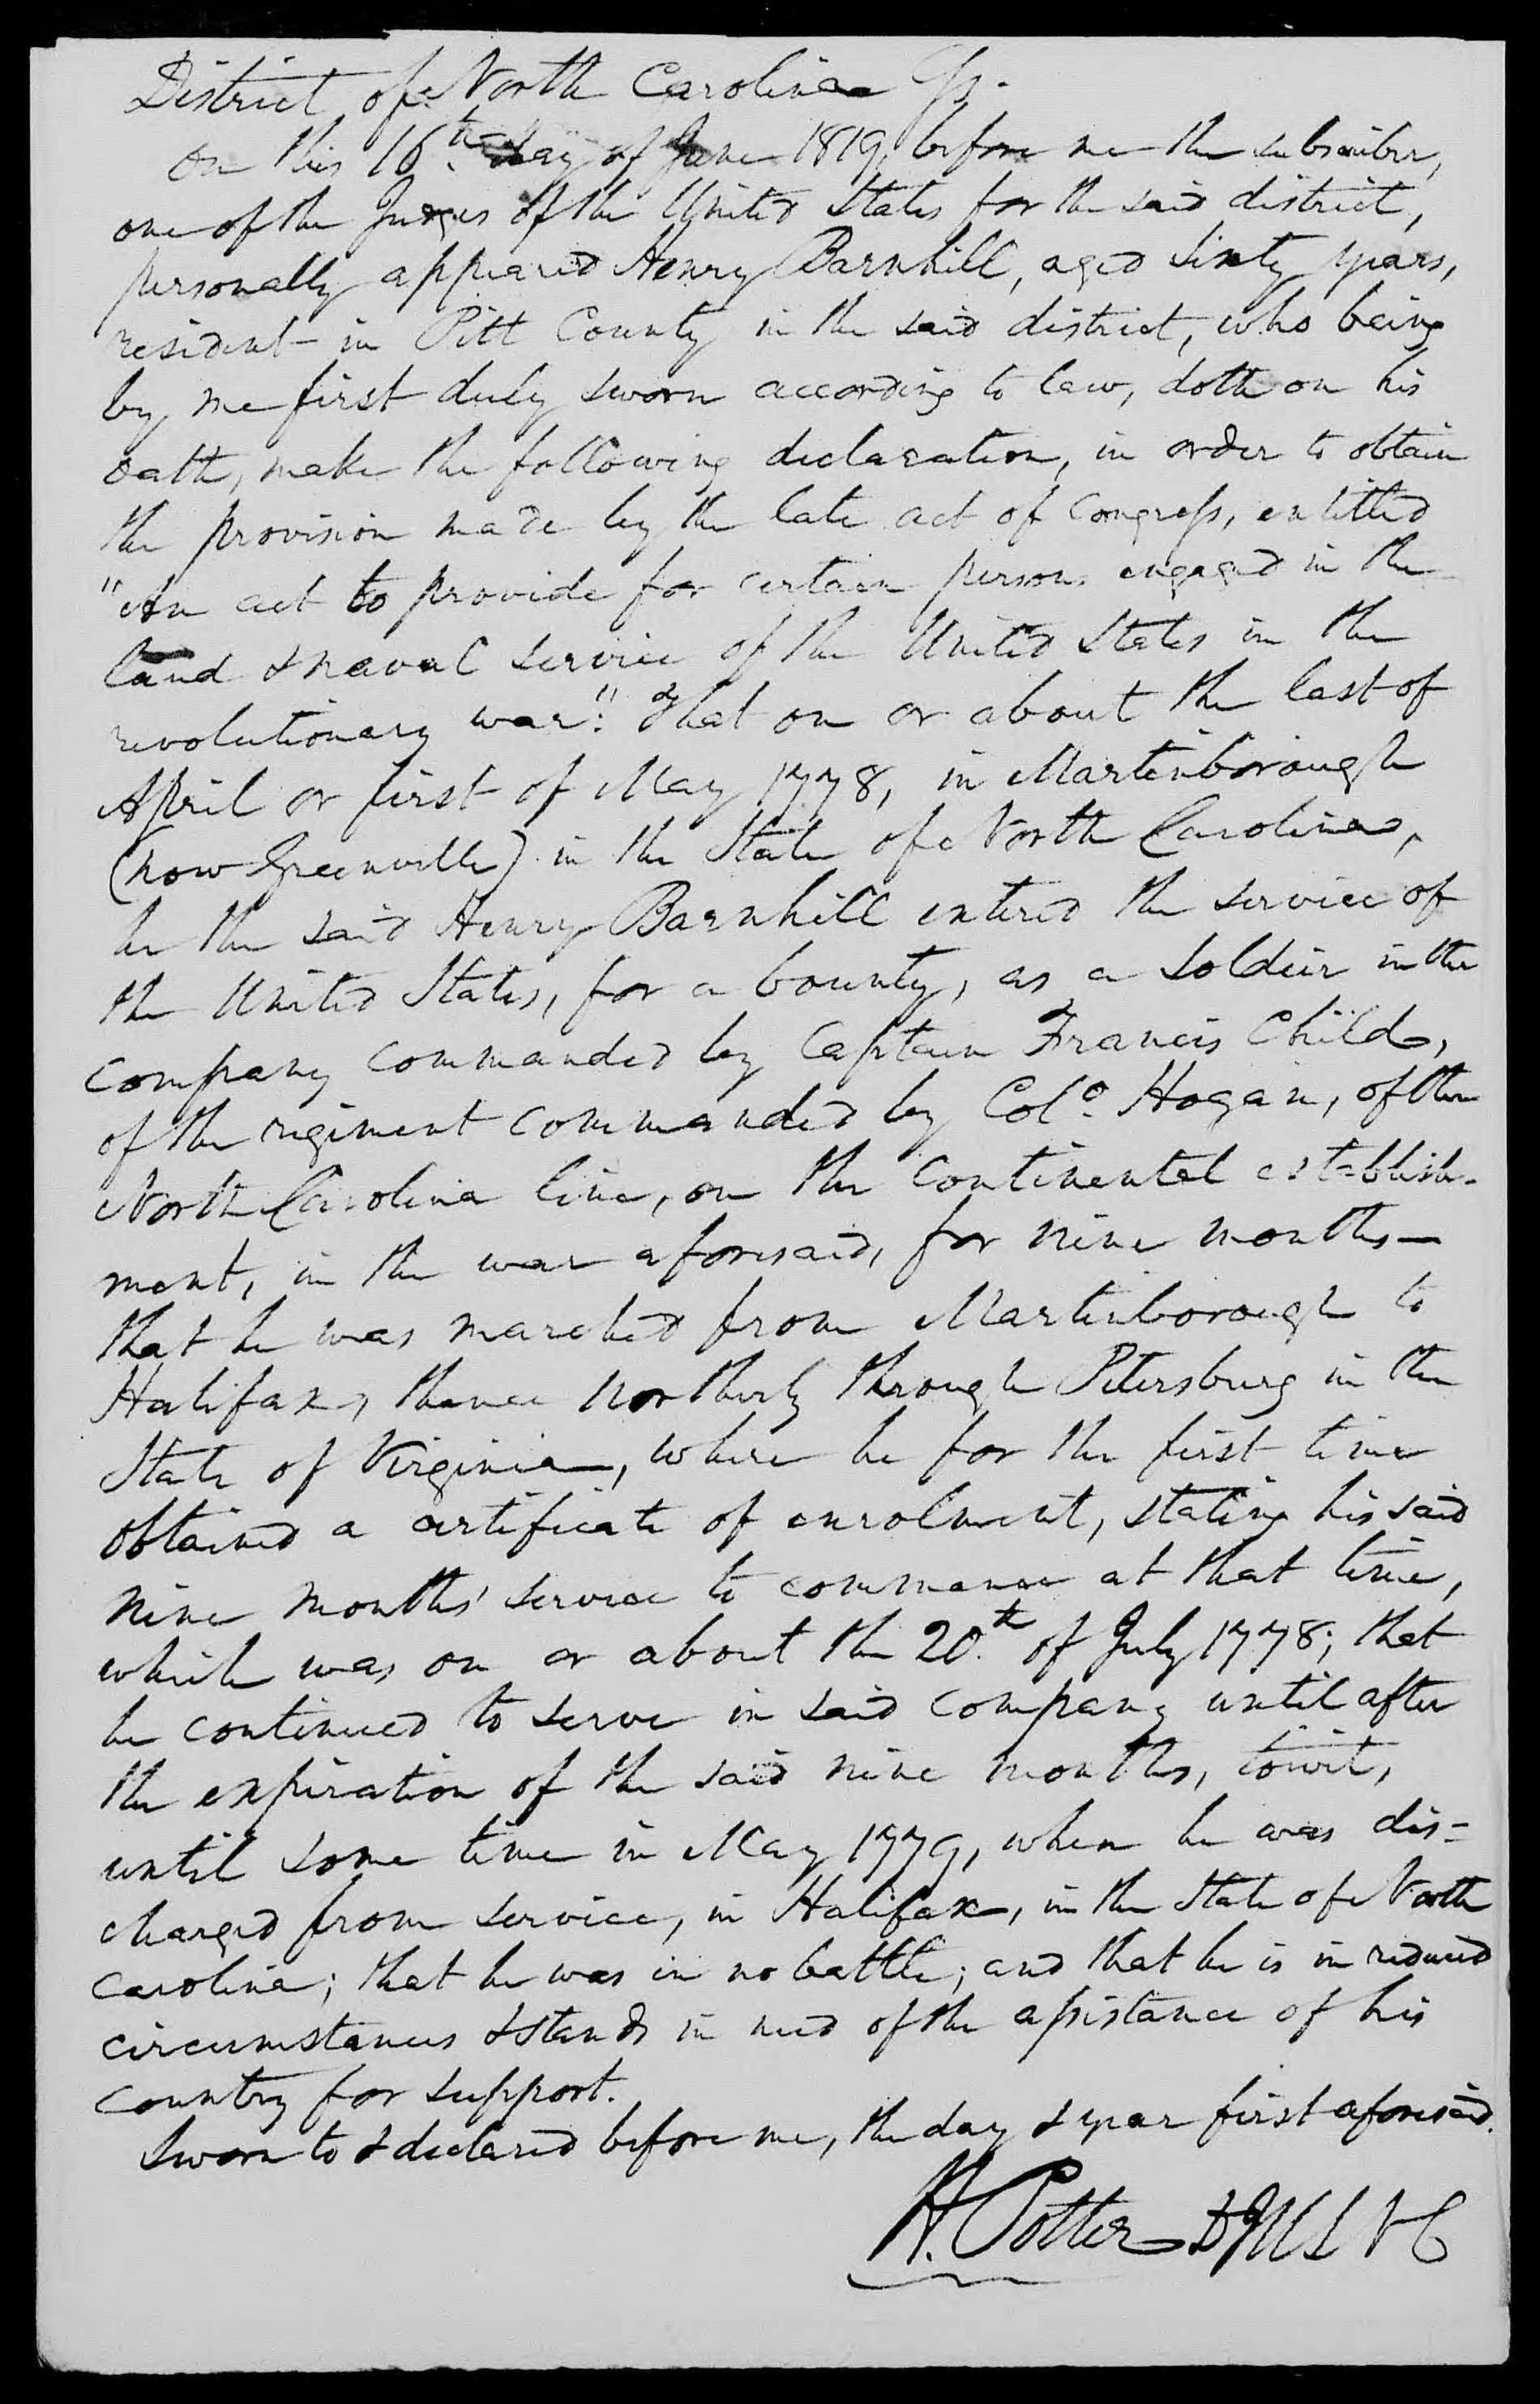District of North Carolina ss.
On this 16th day of June 1819, before me the subscriber, one of the Judges of the United States for the said district, personally appeared Henry Barnhill, aged Sixty years, resident in Pitt County in the said district, who being by me first duly sworn according to law, doth on his oath, make the following declaration, in order to obtain the provision made by the late act of Congress, entitled "An act to provide for certain persons engaged in the land & naval service of the United States in the revolutionary war:" That on or about the last of April or first of May 1778, in Martinborough (nor Greenville) in the State of North Carlina, he the said Henry Barnhill entered the service of the United States, for a bounty, as a soldier in the company commanded by Captain Francis Child, of the regiment commanded by Col. Hogan, of the North Carolina line, on the Continental establishment, in the war aforesaid, for nine months - that he was marched from Martinborough to Halifax, thence Northerly through Petersburg in the State of Virginia, where he for the first time obtained a certificate of enrolment, stating his said nine months' service to commence at that time, which was on or about the 20th of July 1778; That he continued to serve in said company until after the expiration of the said nine months, to wit, until some time in May 1779, when he was discharged from service, in Halifax, in the State of North Carolina; That he was in no battle; and that he is in reduced circumstances & stands in need of the assistance of his country for support.

Sworn & declared before me, the day & year first aforesaid.
S/H. Potter DJMSVC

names: Hogan, H Potter, Henry Barnhill, Henry Barnhill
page: 3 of 42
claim: survivor's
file: S. 6579, Henry Barnhill, N. C.